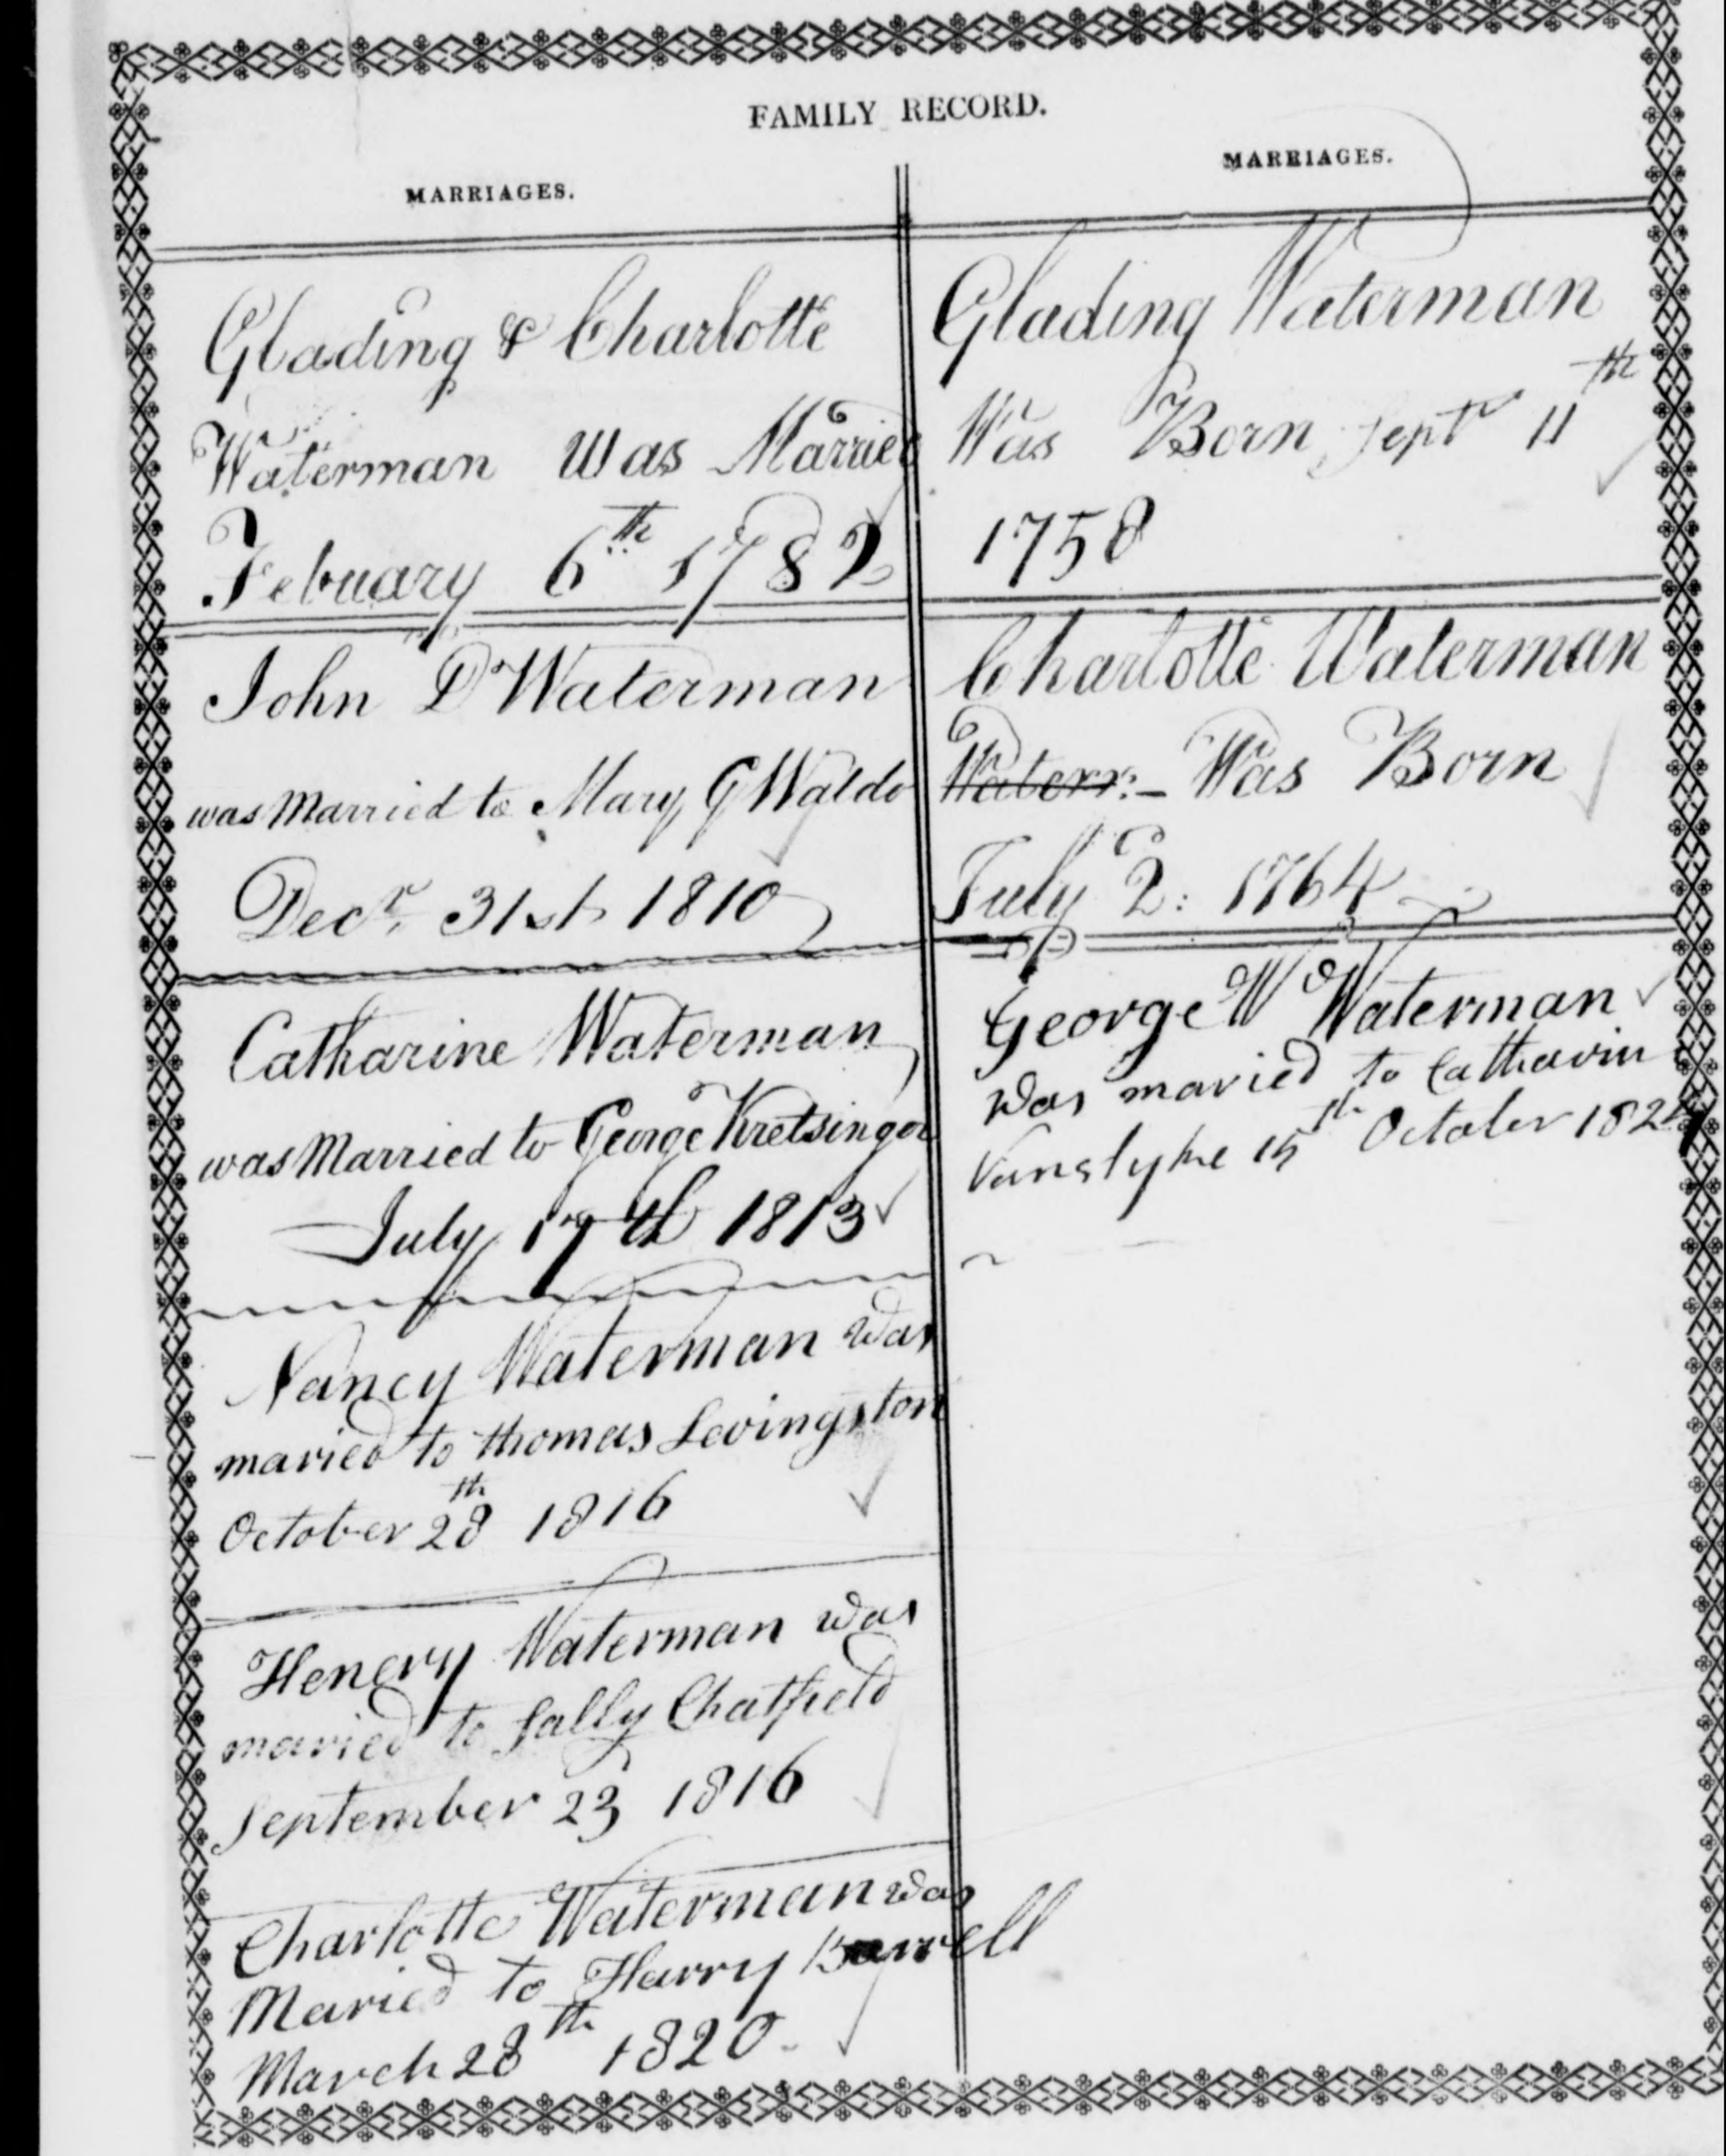FAMILY RECORD
MARRIAGES
(from old Bible record)
------------------------------------------------
Glading & Charlotte Waterman was Married
February 6th 1782
-------------------------------------------------
John D Waterman was married to Mary G Waldo Decr 31st 1810
-------------------------------------------------
Catharine Waterman was married to George Ketsinger  July 17th 1813
--------------------------------------------------
Nancy Waterman was married to Thomas Levingston October 29, 1816
--------------------------------------------------
Henry Waterman was married to Sally Chatfield
September 23, 1816
---------------------------------------------------
Charlotte Waterman was married to Henry Burrell March 28th 1820
----------------------------------------------------
Glading Waterman was Born Septr 11th 1758
---------------------------------------------------
Charlotte Waterman [illegible] Was Born July 2, 1764
---------------------------------------------------
George W Waterman was married to Catharine
Vanslyke 15th October 182[ ]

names: Harry Burrell, Thomas Levingston, Mary G Waldo, George W Waterman, George Kretsinger, Sally Chatfield, John D Waterman, Glading Waterman, Henery Waterman, Catharine Waterman, Nancy Waterman, Charlotte Waterman, Catharin Vanslyke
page: 16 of 50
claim: widow's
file: W. 15814, Glading Waterman, Conn. Conn. Sea Service Continental